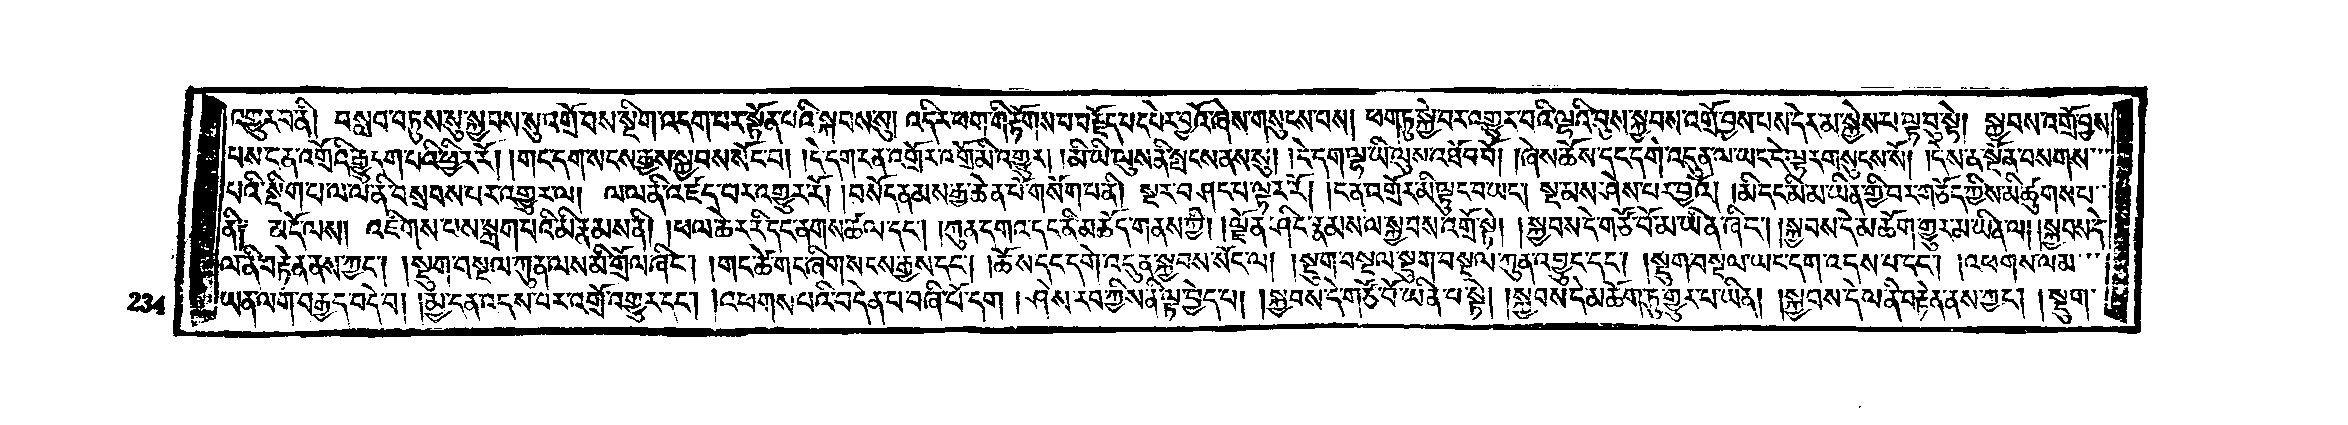འགྱུར་བ་ནི། བསླབ་བཏུས་སུ་སྐྱབས་སུ་འགྲོ་བས་སྡིག་འདག་པར་སྟོན་པའི་སྐབས་སུ། འདིར་ཕག་གི་རྟོགས་པ་བརྗོད་པ་དཔེར་བྱའོ་ཞེས་གསུངས་པས། ཕག་ཏུ་སྐྱེ་བར་འགྱུར་བའི་ལྷའི་བུས་སྐྱབས་འགྲོ་བྱས་པས་དེར་མ་སྐྱེས་པ་ལྟ་བུ་སྟེ། སྐྱབས་འགྲོ་བྱས་
པས་ངན་འགྲོའི་རྒྱུ་དག་པའི་ཕྱིར་རོ། །གང་དག་སངས་རྒྱས་སྐྱབས་སོང་བ། །དེ་དག་ངན་འགྲོར་འགྲོ་མི་འགྱུར། །མི་ཡི་ལུས་ནི་སྤངས་ནས་སུ། །དེ་དག་ལྷ་ཡི་ལུས་འཐོབ་བོ། །ཞེས་ཆོས་དང་དགེ་འདུན་ལ་ཡང་དེ་ལྟར་གསུངས་སོ། །དེས་ན་སྔོན་བསགས་
པའི་སྡིག་པ་ལ་ལ་ནི་བསྲབས་པར་འགྱུར་ལ། ལ་ལ་ནི་འཛད་པར་འགྱུར་རོ། །བསོད་ནམས་རྒྱ་ཆེན་པོ་གསོག་པ་ནི། སྔར་བཤད་པ་ལྟར་རོ། །ངན་འགྲོར་མི་ལྟུང་བ་ཡང་། སྔ་མས་ཤེས་པར་བྱའོ། །མི་དང་མི་མ་ཡིན་གྱི་བར་གཅོད་ཀྱིས་མི་ཚུགས་པ་
ནི༑ མདོ་ལས། འཇིགས་པས་སྐྲག་པའི་མི་རྣམས་ནི། །ཕལ་ཆེར་རི་དང་ནགས་ཚལ་དང་། །ཀུན་དགའ་དང་ནི་མཆོད་གནས་ཀྱི། །ལྗོན་ཤིང་རྣམས་ལ་སྐྱབས་འགྲོ་སྟེ། །སྐྱབས་དེ་གཙོ་བོ་མ་ཡིན་ཞིང་། །སྐྱབས་དེ་མཆོག་གྱུར་མ་ཡིན་ལ། །སྐྱབས་དེ་
ལ་ནི་བརྟེན་ནས་ཀྱང་། །སྡུག་བསྔལ་ཀུན་ལས་མི་གྲོལ་ཞིང་། །གང་ཚེ་གང་ཞིག་སངས་རྒྱས་དང་། །ཆོས་དང་དགེ་འདུན་སྐྱབས་སོང་ལ། །སྡུག་བསྔལ་སྡུག་བསྔལ་ཀུན་འབྱུང་དང་། །སྡུག་བསྔལ་ཡང་དག་འདས་པ་དང་། །འཕགས་ལམ་
ཡན་ལག་བརྒྱད་བདེ་བ། །མྱ་ངན་འདས་པར་འགྲོ་འགྱུར་དང་། །འཕགས་པའི་བདེན་པ་བཞི་པོ་དག །ཤེས་རབ་ཀྱིས་ནི་ལྟ་བྱེད་པ། །སྐྱབས་དེ་གཙོ་བོ་ཡིན་པ་སྟེ། །སྐྱབས་དེ་མཆོག་ཏུ་གྱུར་པ་ཡིན། །སྐྱབས་དེ་ལ་ནི་བརྟེན་ནས་ཀྱང་། །སྡུག་